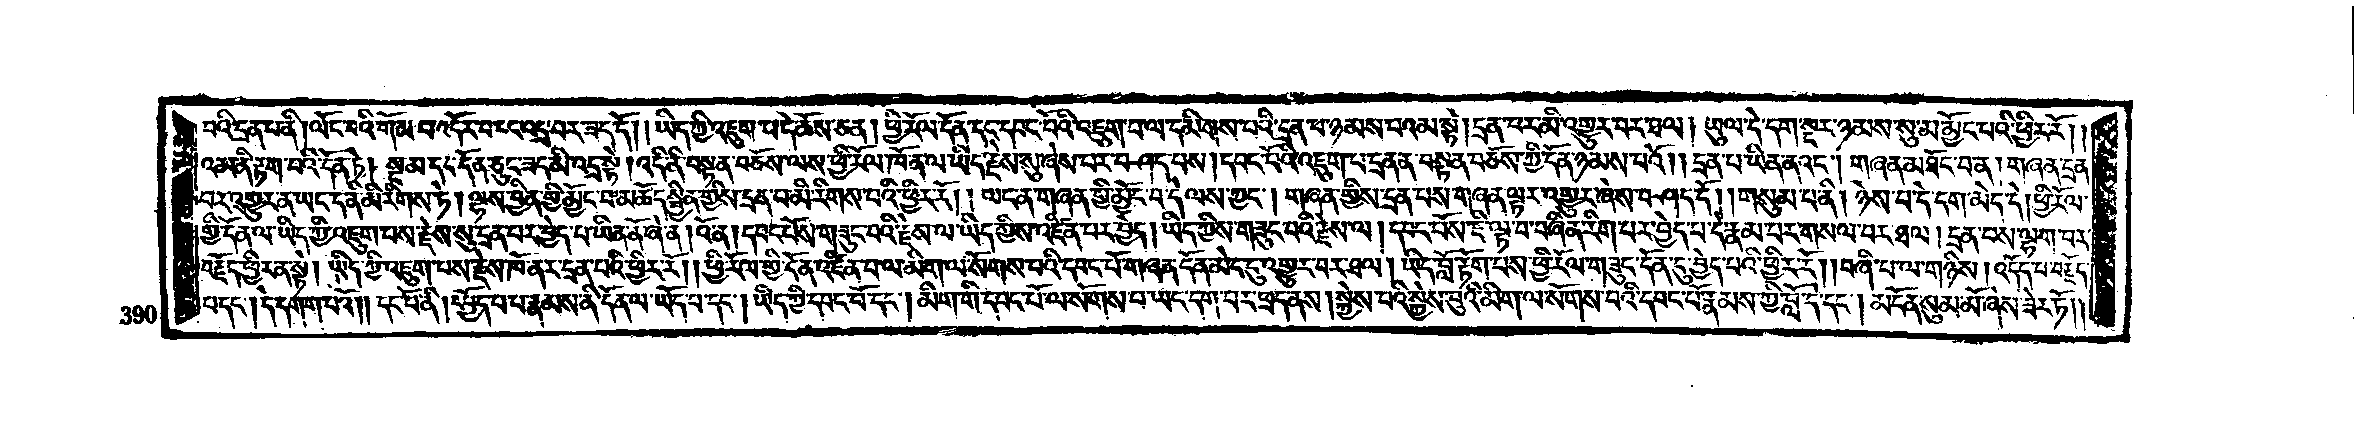བའི་དྲན་པ་ནི། ལོང་བའི་གོམ་བ་འདོར་བ་རང་འདྲ་བར་ཟད་དོ། །ཡིད་ཀྱི་འཇུག་པ་དེ་ཆོས་ཅན། ཕྱི་རོལ་དོན་དང་དབང་པོའི་འཇུག་པ་ལ་དམིགས་པའི་དྲན་ཕ་ཉམས་པའམ་སྟེ། དྲན་པར་མི་འགྱུར་བར་ཐལ། ཡུལ་དེ་དག་སྔར་ཉམས་སུ་མ་མྱོང་བའི་ཕྱིར་རོ། །
འམ་ནི་རྟག་པའི་དོན་ཏེ། སྔ་མ་དང་དོན་ཅུང་ཟད་མི་འདྲ་སྟེ། འདི་ནི་བསྟན་བཅོས་ལས་ཕྱི་རོལ་ཁོ་ན་ལ་ཡིད་རྗེས་སུ་ཞེས་པར་བཤད་པས། དབང་པོའི་འཇུག་པ་དྲན་ན་བསྟན་བཅོས་ཀྱི་དོན་ཉམས་པའོ། །དྲན་པ་ཡིན་ནའང་། གཞན་མཐོང་བ་ན། གཞན་དྲན་
བར་འགྱུར་ན་ཡང་ད་ནི་མི་རིགས་ཏེ། ལྷས་བྱིན་གྱི་མྱོང་བ་མཆོད་སྦྱིན་གྱི་དྲན་པ་མི་རིགས་པའི་ཕྱིར་རོ། །ལང་ན་གཞན་གྱི་མྱོང་བ་དེ་ལས་ཀྱང་། གཞན་གྱིས་དྲན་པས་གཞན་ལྟར་འགྱུར་ཞེས་བཤད་དོ། །གསུམ་པ་ནི། ཉེས་པ་དེ་དག་མེད་དེ། ཕྱི་རོལ་
གྱི་དོན་ལ་ཡིད་ཀྱི་འཇུག་པས་རྗེས་སུ་དྲན་པར་བྱེད་པ་ཡིན་ནོ་ཞེ་ན། འོ་ན། དབང་པོས་གཟུང་བའི་རྗེས་ལ་ཡིད་ཀྱིས་འཛིན་པར་བྱེད། ཡིད་ཀྱིས་གཟུང་བའི་རྗེས་ལ། དབང་པོས་ཇི་ལྟ་བ་བཞིན་རིག་པར་བྱེད་པ་དེ་རྣམ་པར་གསལ་བར་ཐལ། དྲན་པས་ལྷག་པར་
བརྗོད་ཕྱིར་ན་སྟེ། ཡིད་ཀྱི་འཇུག་པས་རྗེས་ཁོ་ནར་དྲན་པའི་ཕྱིར་རོ། །ཕྱི་རོལ་གྱི་དོན་འཛིན་པ་ལ་མིག་ལ་སོགས་པའི་དབང་པོ་གཞན་དོན་མེད་དུ་འགྱུར་པར་ཐལ། ཡིད་བློ་རྟོག་པས་ཕྱི་རོལ་གཟུང་དོན་དུ་བྱེད་པའི་ཕྱིར་རོ། །བཞི་པ་ལ་གཉིས། འདོད་པ་བརྗོད་
པ་དང་། དེ་དགག་པའོ། །དང་པོ་ནི། དཔྱོད་བ་པ་རྣམས་ནི་དོན་ལ་ཡོད་པ་དང་། ཡིད་ཀྱི་དབང་པོ་དང་། མིག་གི་དབང་པོ་ལ་སོགས་པ་ཡང་དག་པར་ཕྲད་ནས། སྐྱེས་པའི་སྐྱེས་བུའི་མིག་ལ་སོགས་པའི་དབང་པོ་རྣམས་ཀྱི་བློ་དང་། མངོན་སུམ་མོ་ཞེས་ཟེར་ཏོ། །